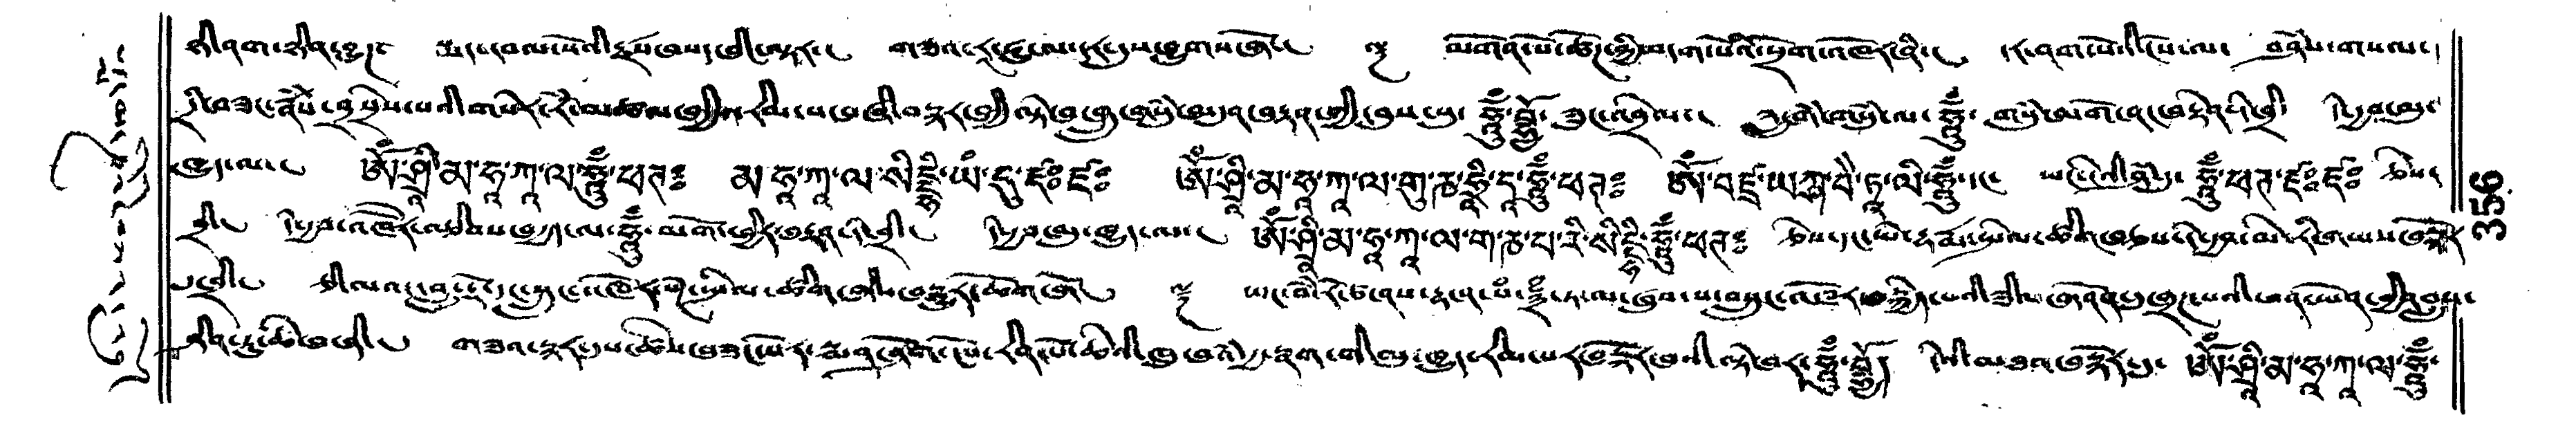ཉི་ནག་གཉིན་བྱུག་གོ སྨད་དབལ་སོའི་རྫས་བསད་བིང་ལྟར། གཟའ་རཱ་ཧུ་ལ་དར་དུས་བྱུགས་སོ། ༈ མགོན་པོ་ཚོགས་ཀྱི་བདག་པོའི་སྲོག་འཁོར་ནི། དར་ནག་པོའི་ངོས་ལ། གཤམ་གསལ་
དྲི་བཟང་རྣམས་བྲ་བསྲེས་པའི་གསེར་རམ་མཚལ་གྱིས་རིམ་པ་བཞི་བསྐོར་གྱི་ལྟེ་བ་གྲུ་གསུམ་མདུན་བསྟན་གྱི་དབུས་སུ་ཧཱུྃ་བྷྱོ་ཟུང་འབྲེལ། ཟླ་གམ་གསུམ་ལ་ཧཱུྂ་གསུམ་མགོ་ནང་བསྟན་ཏེ་བྲི། དེ་རྒྱབ་མུ་
ཁྱུད་ལ། ཨོཾ་ཤྲཱི་མ་ཧཱ་ཀཱ་ལ་ཧཱུྂ་ཕཊཿ མ་ཧཱ་ཀཱ་ལ་སིདྡྷི་ཡཾ་ཛཿཛཿ ཨོཾ་ཤྲཱི་མ་ཧཱ་ཀཱ་ལ་གུ་ཎ་ཧྲཱི་དཱ་ཧཱུྃ་ཕཊཿ ཨོཾ་བཛྲ་ཡཀྵ་བཻ་ཏཱ་ལི་ཧཱུྃ་དང་། ཡང་དེའི་གཤམ་དུ་ཧཱུྃ་ཕཊཿཛཿཛཿ ཞེས་
བྲི། དེ་རྒྱབ་འཁོར་ལོ་རྩིབས་བརྒྱད་ལ་ཧཱུྂ་མགོ་ཕྱིར་བསྟན་ཏེ་བྲི། དེ་རྒྱབ་མུ་ཁྱུད་ལ་ཨོཾ་ཤྲཱི་མ་ཧཱ་ཀཱ་ལ་ག་ཎ་པ་རི་སིདྡྷི་ཧཱུྃ་ཕཊཿ ཅེས་དང་ཡེ་དྷརྨ་སྤེལ་ཚིག་བཅས། དེ་རྒྱབ་མེ་རི་གཡས་བསྐོར་
དུ་བྲི། གང་ལའང་བླ་རྡོ་དང་སྲུང་འཁོར་སོགས་སྤེལ་ཚིག་གིས་སྒྱུར་ཆོག་གོ ༈ ཡང་བཻ་རོ་ཙ་ནས་དྷ་ན་སཾ་ཀྲི་ཏ་ལ་ཞུས་པ་སྲུང་འཁོར་སྐྱེད་པའི་ཟིལ་གནོན་དུ་གྲགས་པའི་ཕན་ཡོན་བྱིན་རླབས་
ཤིན་ཏུ་ཆེ་བ་ནི། གཟའ་སྐར་དུས་ཚེས་བཟང་པོར་སྨན་ཤོག་ངོས་རིན་པོ་ཆེའི་ཁུ་བའམ་རྒྱ་སྣག་གིས་མུ་ཁྱུད་རིམ་པར་བསྐོར་བའི་ལྟེ་བར་ཧཱུྃ་བྷྱོ། དེའི་མཐའ་བསྐོར་དུ་ཨོཾ་ཤྲཱི་མ་ཧཱ་ཀཱ་ལ་ཧཱུྃ་